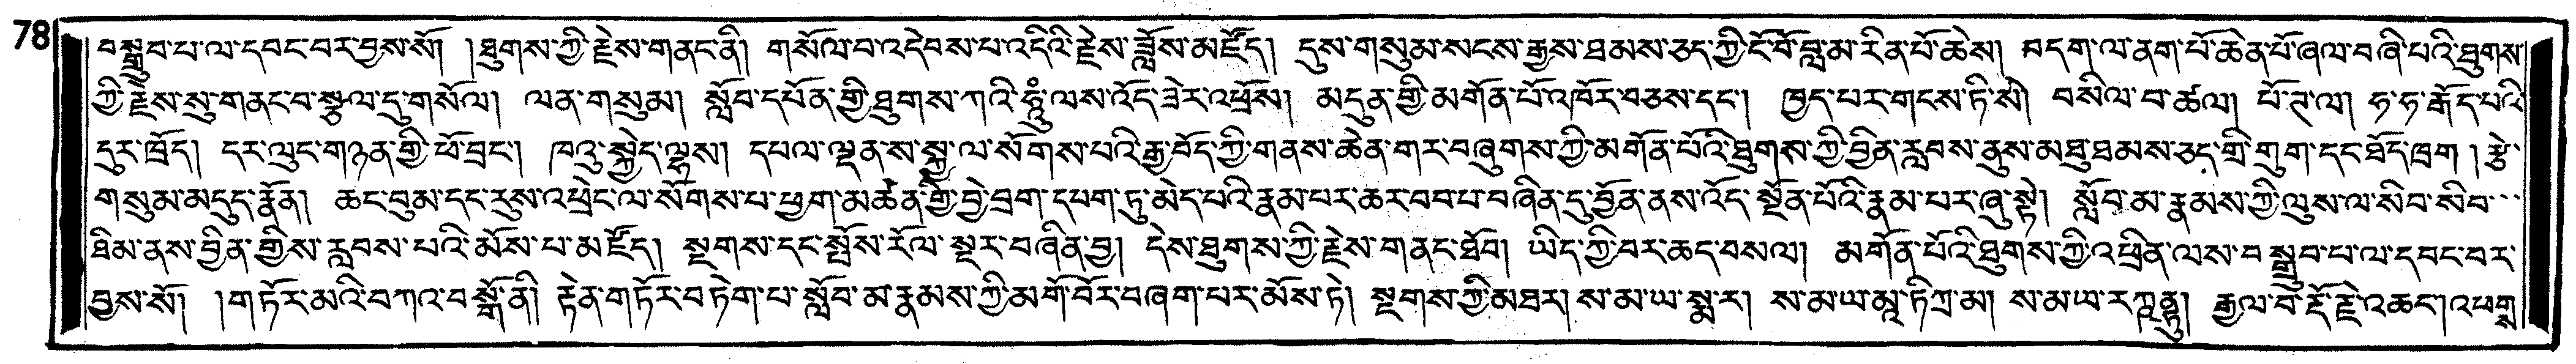བསྒྲུབ་པ་ལ་དབང་བར་བྱས་སོ། །ཐུགས་ཀྱི་རྗེས་གནང་ནི། གསོལ་བ་འདེབས་པ་འདིའི་རྗེས་ཟློས་མཛོད། དུས་གསུམ་སངས་རྒྱས་ཐམས་ཅད་ཀྱི་ངོ་བོ་བླ་མ་རིན་པོ་ཆེས། བདག་ལ་ནག་པོ་ཆེན་པོ་ཞལ་བཞི་པའི་ཐུགས་
ཀྱི་རྗེས་སུ་གནང་བ་སྩལ་དུ་གསོལ། ལན་གསུམ། སློབ་དཔོན་གྱི་ཐུགས་ཀའི་ཧཱུཾ་ལས་འོད་ཟེར་འཕྲོས། མདུན་གྱི་མགོན་པོ་འཁོར་བཅས་དང་། ཁྱད་པར་གངས་ཏི་སེ། བསིལ་བ་ཚལ། པོ་ཊ་ལ། ཧ་ཧ་རྒོད་པའི་
དུར་ཁྲོད། དར་ལུང་གཉན་གྱི་ཕོ་བྲང་། ཁའུ་སྐྱེད་ལྷས། དཔལ་ལྡན་ས་སྐྱ་ལ་སོགས་པའི་རྒྱ་བོད་ཀྱི་གནས་ཆེན་གར་བཞུགས་ཀྱི་མགོན་པོའི་ཐུགས་ཀྱི་བྱིན་རླབས་ནུས་མཐུ་ཐམས་ཅད་གྲི་གུག་དང་ཐོད་ཁྲག །རྩེ་
གསུམ་མདུད་རྣོན། ཆང་བུམ་དང་རུས་འཕྲེང་ལ་སོགས་པ་ཕྱག་མཚན་གྱི་བྱེ་བྲག་དཔག་ཏུ་མེད་པའི་རྣམ་པར་ཆར་བབ་པ་བཞིན་དུ་བྱོན་ནས་འོད་སྔོན་པོའི་རྣམ་པར་ཞུ་སྟེ། སློབ་མ་རྣམས་ཀྱི་ལུས་ལ་སིབ་སིབ་
ཐིམ་ནས་བྱིན་གྱིས་རླབས་པའི་མོས་པ་མཛོད། སྔགས་དང་སྤོས་རོལ་སྔར་བཞིན་བྱ། དེས་ཐུགས་ཀྱི་རྗེས་གནང་ཐོབ། ཡིད་ཀྱི་བར་ཆད་བསལ། མགོན་པོའི་ཐུགས་ཀྱི་འཕྲིན་ལས་བསྒྲུབ་པ་ལ་དབང་བར་
བྱས་སོ། །གཏོར་མའི་བཀའ་བསྒོ་ནི། རྟེན་གཏོར་བཏེག་པ་སློབ་མ་རྣམས་ཀྱི་མགོ་བོར་བཞག་པར་མོས་ཏེ། སྔགས་ཀྱི་མཐར། ས་མ་ཡ་སྨ་ར། ས་མ་ཡ་མཱ་ཏི་ཀྲ་མ། ས་མ་ཡ་རཀསཿཨནྟུ། རྒྱལ་བ་རྡོ་རྗེ་འཆང་། འཕགས་